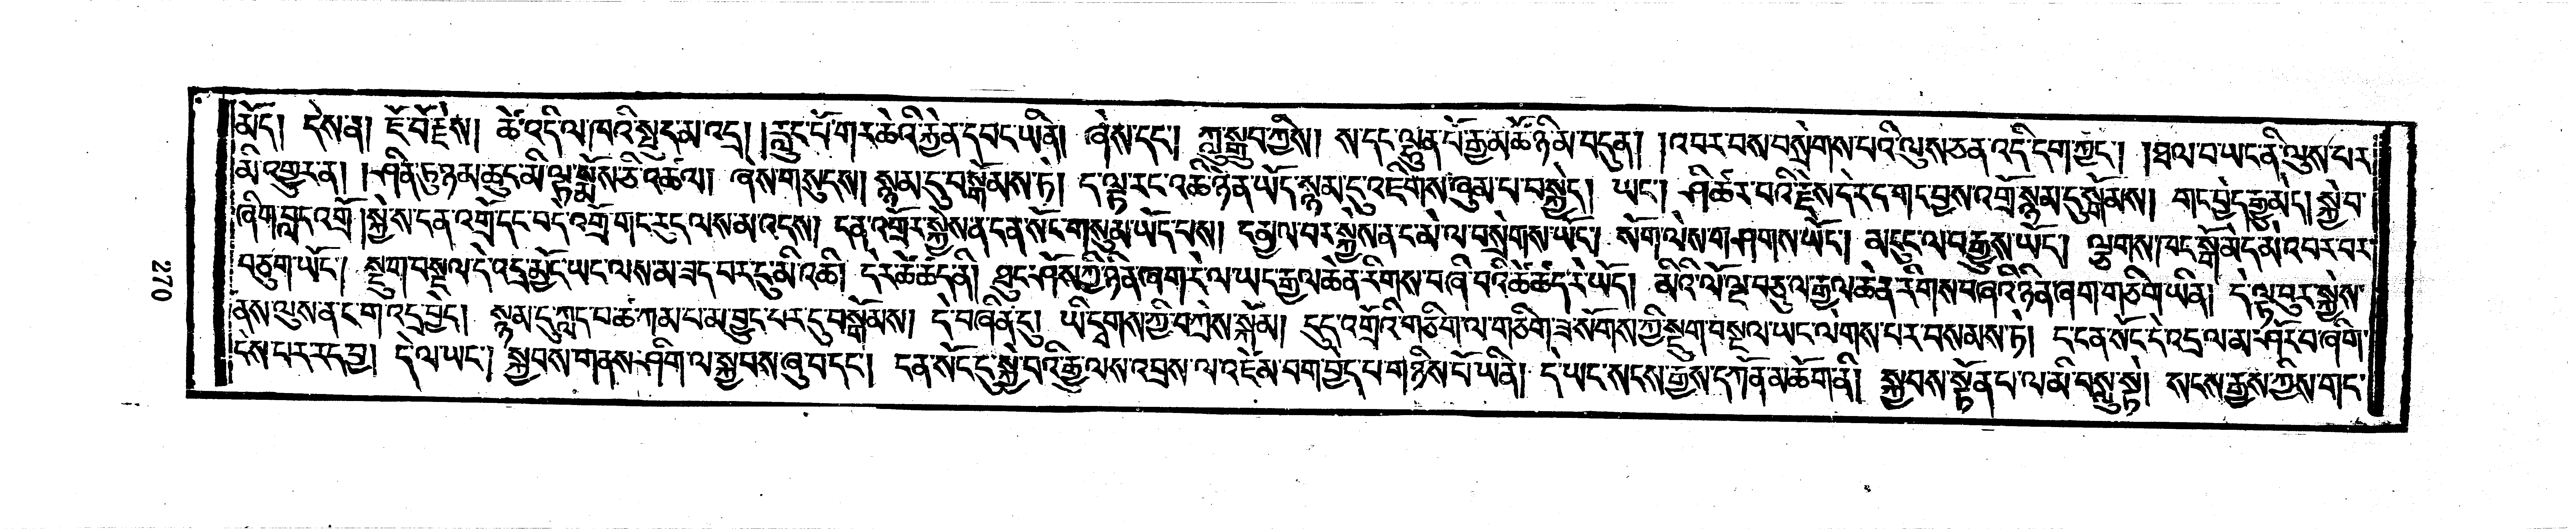མོད། དེས་ན། ཇོ་བོ་རྗེས། ཚེ་འདི་ལ་ཁའི་སྤུད་མ་འདྲ། །རླུང་པོ་གར་ཆེའི་རྐྱེན་དབང་ཡིན། ཞེས་དང་། ཀླུ་སྒྲུབ་ཀྱིས། ས་དང་ལྷུན་པོ་རྒྱ་མཚོ་ཉི་མ་བདུན། །འབར་བས་བསྲེགས་པའི་ལུས་ཅན་འདི་དག་ཀྱང་། །ཐལ་བ་ཡང་ནི་ལུས་པར་
མི་འགྱུར་ན། །ཤིན་ཏུ་ཉམ་ཆུང་མི་ལྟ་སྨོས་ཅི་འཚལ། ཞེས་གསུངས། སྙམ་དུ་བསྒོམས་ཏེ། ད་ལྟ་རང་འཆི་ཉེན་ཡོད་སྙམ་དུ་འཇིགས་ཞུམ་པ་བསྐྱེད། ཡང་། ཤི་ཚར་བའི་རྗེས་དེར་ད་གང་བྱས་འགྲོ་སྙམ་དུ་སྒོམས། གང་བྱེད་རྒྱུ་མེད། སྐྱེབ་
ཞིག་བླང་འགྲོ་།སྐྱེ་ས་ངན་འགྲོ་དང་བདེ་འགྲོ་གང་རུང་ལས་མ་འདས། དན་འགྲོར་སྐྱེས་ན་ངན་སོང་གསུམ་ཡོད་པས། དམྱལ་བར་སྐྱེས་ན་ང་མེ་ལ་བསྲེགས་ཡོད། སོག་ལེས་གཤེགས་ཡོང་། མདུང་ལ་བརྒྱུས་ཡོང་། ལྕགས་ཁང་སྒོ་མེད་མེ་འབར་བར་
བཅུག་ཡོང་། སྡུག་བསྔལ་དེ་འདྲ་མྱོང་ཡང་ལས་མ་ཟད་བར་དུ་མི་འཆི། དེར་ཚེ་ཚད་ནི། ཐུང་ཤོས་ཀྱི་ཉིན་ཞག་རེ་ལ་ཡང་རྒྱལ་ཆེན་རིགས་བཞི་བའི་ཚེ་ཚད་རེ་ཡོད། མིའི་ལོ་ལྔ་བཅུ་ལ་རྒྱལ་ཆེན་རིགས་བཞའི་ཉིན་ཞག་གཅིག་ཡིན། དེ་ལྟ་བུར་སྐྱེས་
ནས་ལུས་ནང་ང་ག་འདྲ་བྱེད། སྙམ་དུ་ཀླད་པ་ཚ་ཀ་མ་པ་མ་བྱུང་པར་དུ་བསྒོམས། དེ་བཞིན་དུ། ཡི་དྭགས་ཀྱི་བཀྲེས་སྐོམ། དུད་འགྲོའི་གཅིག་ལ་གཅིག་ཟ་སོགས་ཀྱི་སྡུག་བསྔལ་ཡང་ལེགས་པར་བསམས་ཏེ། ད་ངན་སོང་དེ་འདྲ་ལ་མ་ཤོར་བ་ཞིག་
ངེས་པར་རད་བྱ། དེ་ལ་ཡང་། སྐྱབས་གནས་ཤིག་ལ་སྐྱབས་ཞུ་བ་དང་། ངན་སོང་དུ་སྐྱེ་བའི་རྒྱུ་ལས་འབྲས་ལ་འཛེམ་བག་བྱེད་པ་གཉིས་པོ་ཡིན། དེ་ཡང་སངས་རྒྱས་དཀོན་མཆོག་ནི། སྐྱབས་སྟོན་པ་ལ་མི་བསླུ་སྟེ། སངས་རྒྱས་ཀྱིས་གང་